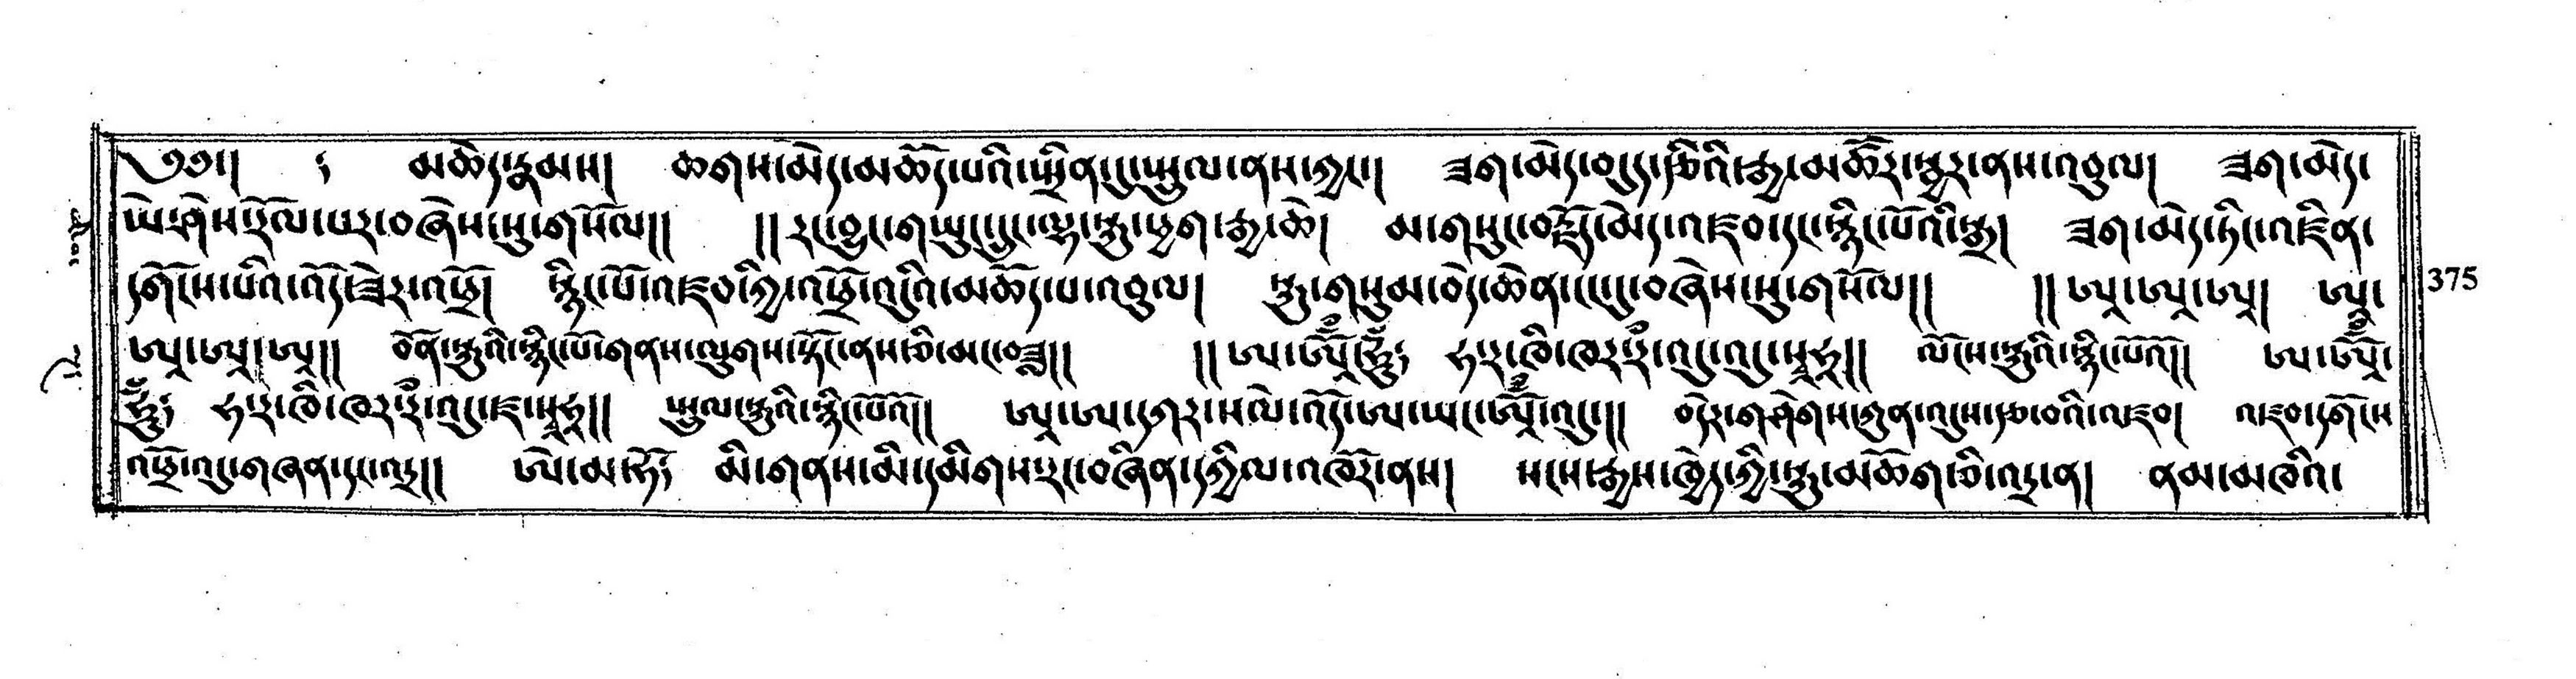མཆེད་རྣམས། ཆགས་མེད་མཆོད་པའི་སྤྲིན་དུ་སྤྲུལ་ནས་ཀྱང་། ཟག་མེད་བདུད་རྩིའི་རྒྱ་མཚོར་སྦྱར་ནས་འབུལ། ཟག་མེད་
ཡེ་ཤེས་རོལ་པར་བཞེས་སུ་གསོལ།། །།རང་བྱུང་གཡུང་དྲུང་ལྷ་སྐུ་ཕྱག་རྒྱ་ཆེ། མ་གསུང་བརྗོད་མེད་འཛབ་དང་སྙིང་པོའི་སྒྲ། ཟག་མེད་ཏིང་འཛིན་
དགོངས་པའི་འོད་ཟེར་འཕྲོ། སྙིང་པོ་འཛབ་ཀྱི་འཕྲོ་འདུའི་མཆོད་པ་འབུལ། སྐུ་གསུམ་བདེ་ཆེན་ངང་དུ་བཞེས་སུ་གསོལ།། །།ཨཱ་ཨཱ་ཨཱ། ཨཱ་
ཨཱ་ཨཱ་ཨཱ།། བོན་སྐུའི་སྙིང་པོ་གནས་ལུགས་སྟོང་༼སྟེང་༽ནས་ཅི་མང་བཟླ།། །།ཨ་ཨཱོཾ་ཧཱུྃ ཧ་ར་ཁི་ཁར་རཾ་འདུ་འདུ་སྭཱཧཱ།། ལོངས་སྐུའི་སྙིང་པོའོ།། ཨ་ཨཱོཾ་
ཧཱུྃ ཧ་ར་ཁི་ཁར་རཾ་འདུ་ཛ་སྭཱཧཱ།། སྤྲུལ་སྐུའི་སྙིང་པོའོ།། ཨཱ་ཨ་དཀར་སལེ་འོད་ཨ་ཡང་ཨཱོཾ་འདུ།། བདེར་གཤེགས་ཀུན་འདུས་རྩ་བའི་འཛབ། འཛབ་དགོངས་
འཕྲོ་འདུ་གཞན་དང་འདྲ།། ཨེ་མ་ཧོ མི་གནས་མི་དམིགས་རང་བཞིན་དཀྱིལ་འཁོར་ནས། སངས་རྒྱས་ཁྱེད་ཀྱི་སྐུ་མཆོག་ཅི་འདྲ་ན། ནམ་མཁའི་